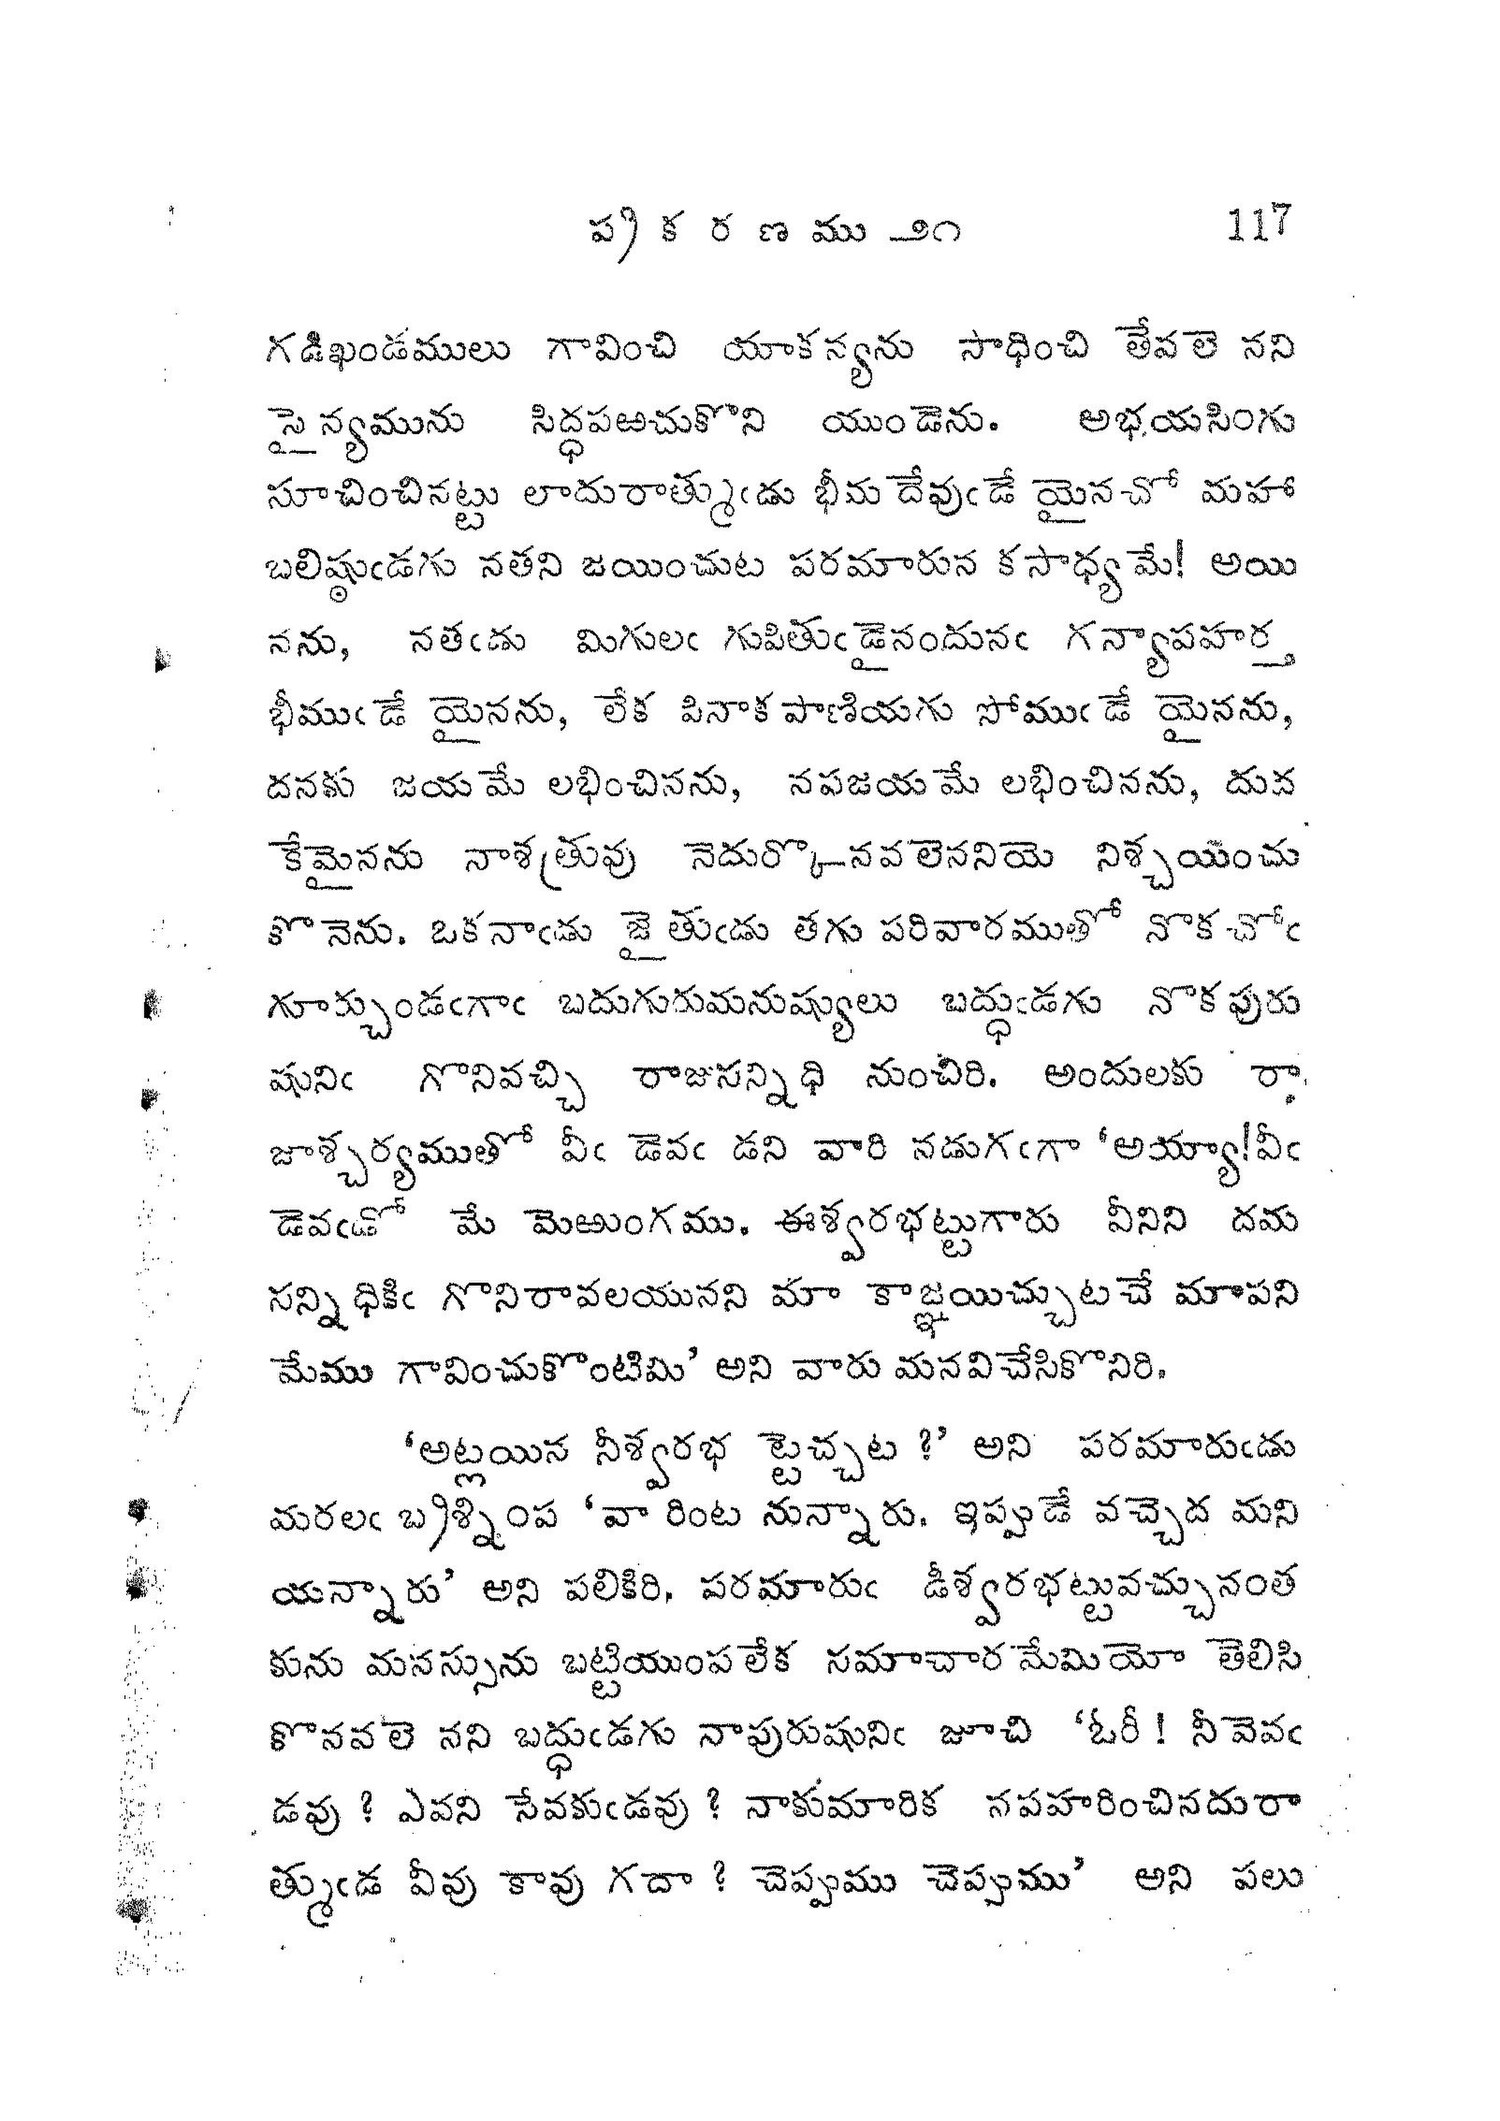గడిఖండములు గావించి యాకన్యను సాధించి "తేవలె నని సైన్యమును సిద్ధపఱచుకొని యుండెను. అభయసింగు సూచించినట్టు లాదురాత్ముఁడు భీమ దేవుఁడే యైనచో మహా బలిష్ఠుఁడగు నతని జయించుట పరమారున కసాధ్య మే! అయి నను, నతఁడు మిగులఁ గుపితుఁ డైనందునఁ గన్యాపహర్త భీముఁడే యైనను, లేక పినాక పాణియగు సోముఁ డే యైనను, దనకు జయమే లభించినను, నపజయమే లభించినను, దుద కేమైనను నాశత్రువు నెదుర్కొనవలెననియె నిశ్చయించు కొనెను. ఒక నాఁడు జై తుఁడు తగు పరివారముతో నొక చోఁ గూర్చుండఁగాఁ బదుగురు మనుష్యులు బద్ధుఁడగు నొక పురు షునిఁ గొనివచ్చి రాజు సన్నిధి నుంచిరి. అందులకు రా జూశ్చర్యముతో వీఁ డెవఁ డని వారి నడుగఁగా 'అయ్యా! వీఁ డెవఁతో మే మెఱుంగము, ఈశ్వరభట్టుగారు దీనిని దమ సన్నిధికిఁ గొనిరావలయునని మా కాజ్ఞయిచ్చుటచే మాపని మేము గావించుకొంటిమి' అని వారు మనవి చేసికొనిరి.

'అట్లయిన నీశ్వరభ ట్టెచ్చట !' అని పరమార్కుడు మరలఁ బ్రశ్నింప వారింట నున్నారు. ఇప్పుడే వచ్చెద మని యన్నారు' అని పలికిరి, పరమారుఁ డీశ్వర భట్టువచ్చునంత కును మనస్సును బట్టియుంప లేక సమాచార సేమియో తెలిసి కొననలె నని బద్ధుఁడగు నాపురుషునిఁ జూచి 'ఓరీ ! నీ వెవఁ డవు ? ఎవని సేవకుఁడవు ! నాకుమారిక నపహరించిన దురా త్ముఁడ వీవు కావు గదా ! చెప్పుము చెప్పుము' అని పలు